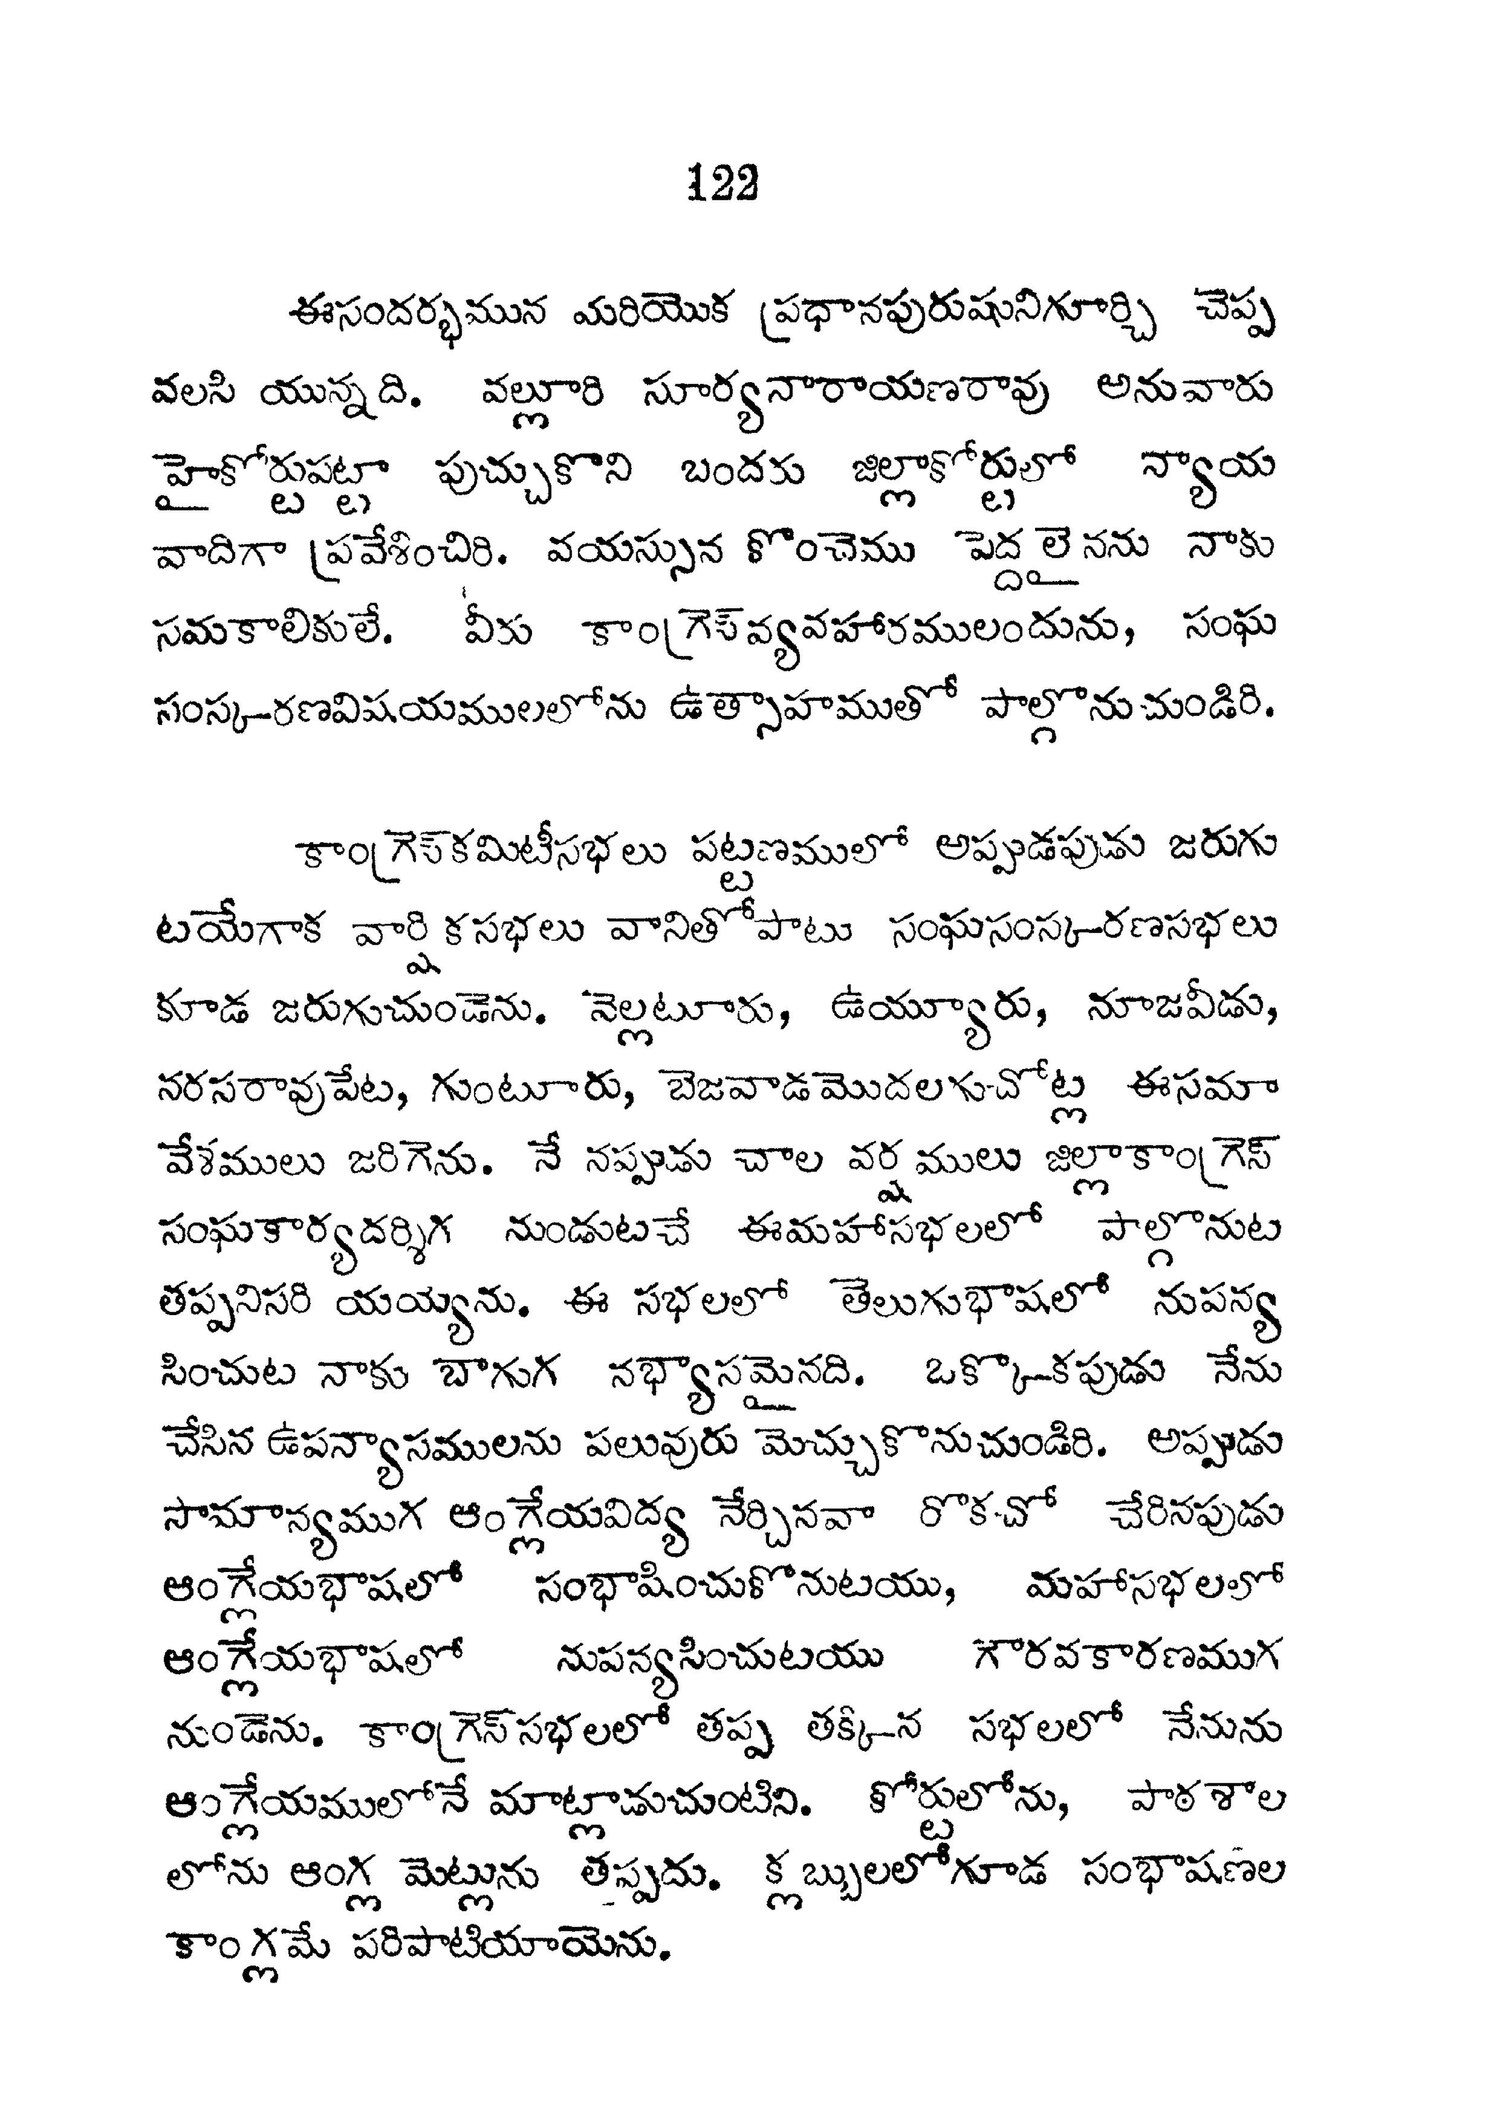ఈసందర్భమున మరియొక ప్రధానపురుషునిగూర్చి చెప్పవలసియున్నది. వల్లూరి సూర్యనారాయణరావు అనువారు హైకోర్టుపట్టా పుచ్చుకొని బందరు జిల్లాకోర్టులో న్యాయవాదిగా ప్రవేశించిరి. వయస్సున కొంచెము పెద్దలైనను నాకు సమకాలికులే. వీరు కాంగ్రెస్‌వ్యవహారములందును, సంఘ సంస్కరణవిషయములలోను ఉత్సాహముతో పాల్గొనుచుండిరి.

కాంగ్రెస్‌కమిటీసభలు పట్టణములో అప్పుడపుడు జరుగుటయేగాక వార్షికసభలు వానితోపాటు సంఘసంస్కరణసభలు కూడ జరుగుచుండెను. వెల్లటూరు, ఉయ్యూరు, నూజవీడు, నరసరావుపేట, గుంటూరు, బెజవాడమొదలగుచోట్ల ఈసమావేశములు జరిగెను. నే నప్పుడు చాల వర్షములు జిల్లాకాంగ్రెస్‌సంఘకార్యదర్శిగ నుండుటచే ఈమహాసభలలో పాల్గునుట తప్పనిసరి యయ్యను. ఈ సభలలో తెలుగుభాషలో నుపన్యసించుట నాకు బాగుగ నభ్యాసమైనది. ఒక్కొకపుడు నేను చేసిన ఉపన్యాసములను పలువురు మెచ్చుకొనుచుండిరి. అప్పుడు సామాన్యముగ ఆంగ్లేయవిద్య నేర్చినవా రొకచో చేరినపుడు ఆంగ్లేయభాషలో సంభాషించుటయు, మహాసభలలో ఆంగ్లేయభాషలో నుపన్యసించుటయు గౌరవకారణముగ నుండెను. కాంగ్రెస్‌సభలలో తప్ప తక్కిన సభలలో నేనును ఆంగ్లేయములోనే మాట్లాడుచుంటిని. కోర్టులోను, పాఠశాలలోను ఆంగ్ల మెట్లును తప్పదు. క్లబ్బులలోగూడ సంభాషణల కాంగ్లమే పరిపాటియాయెను.